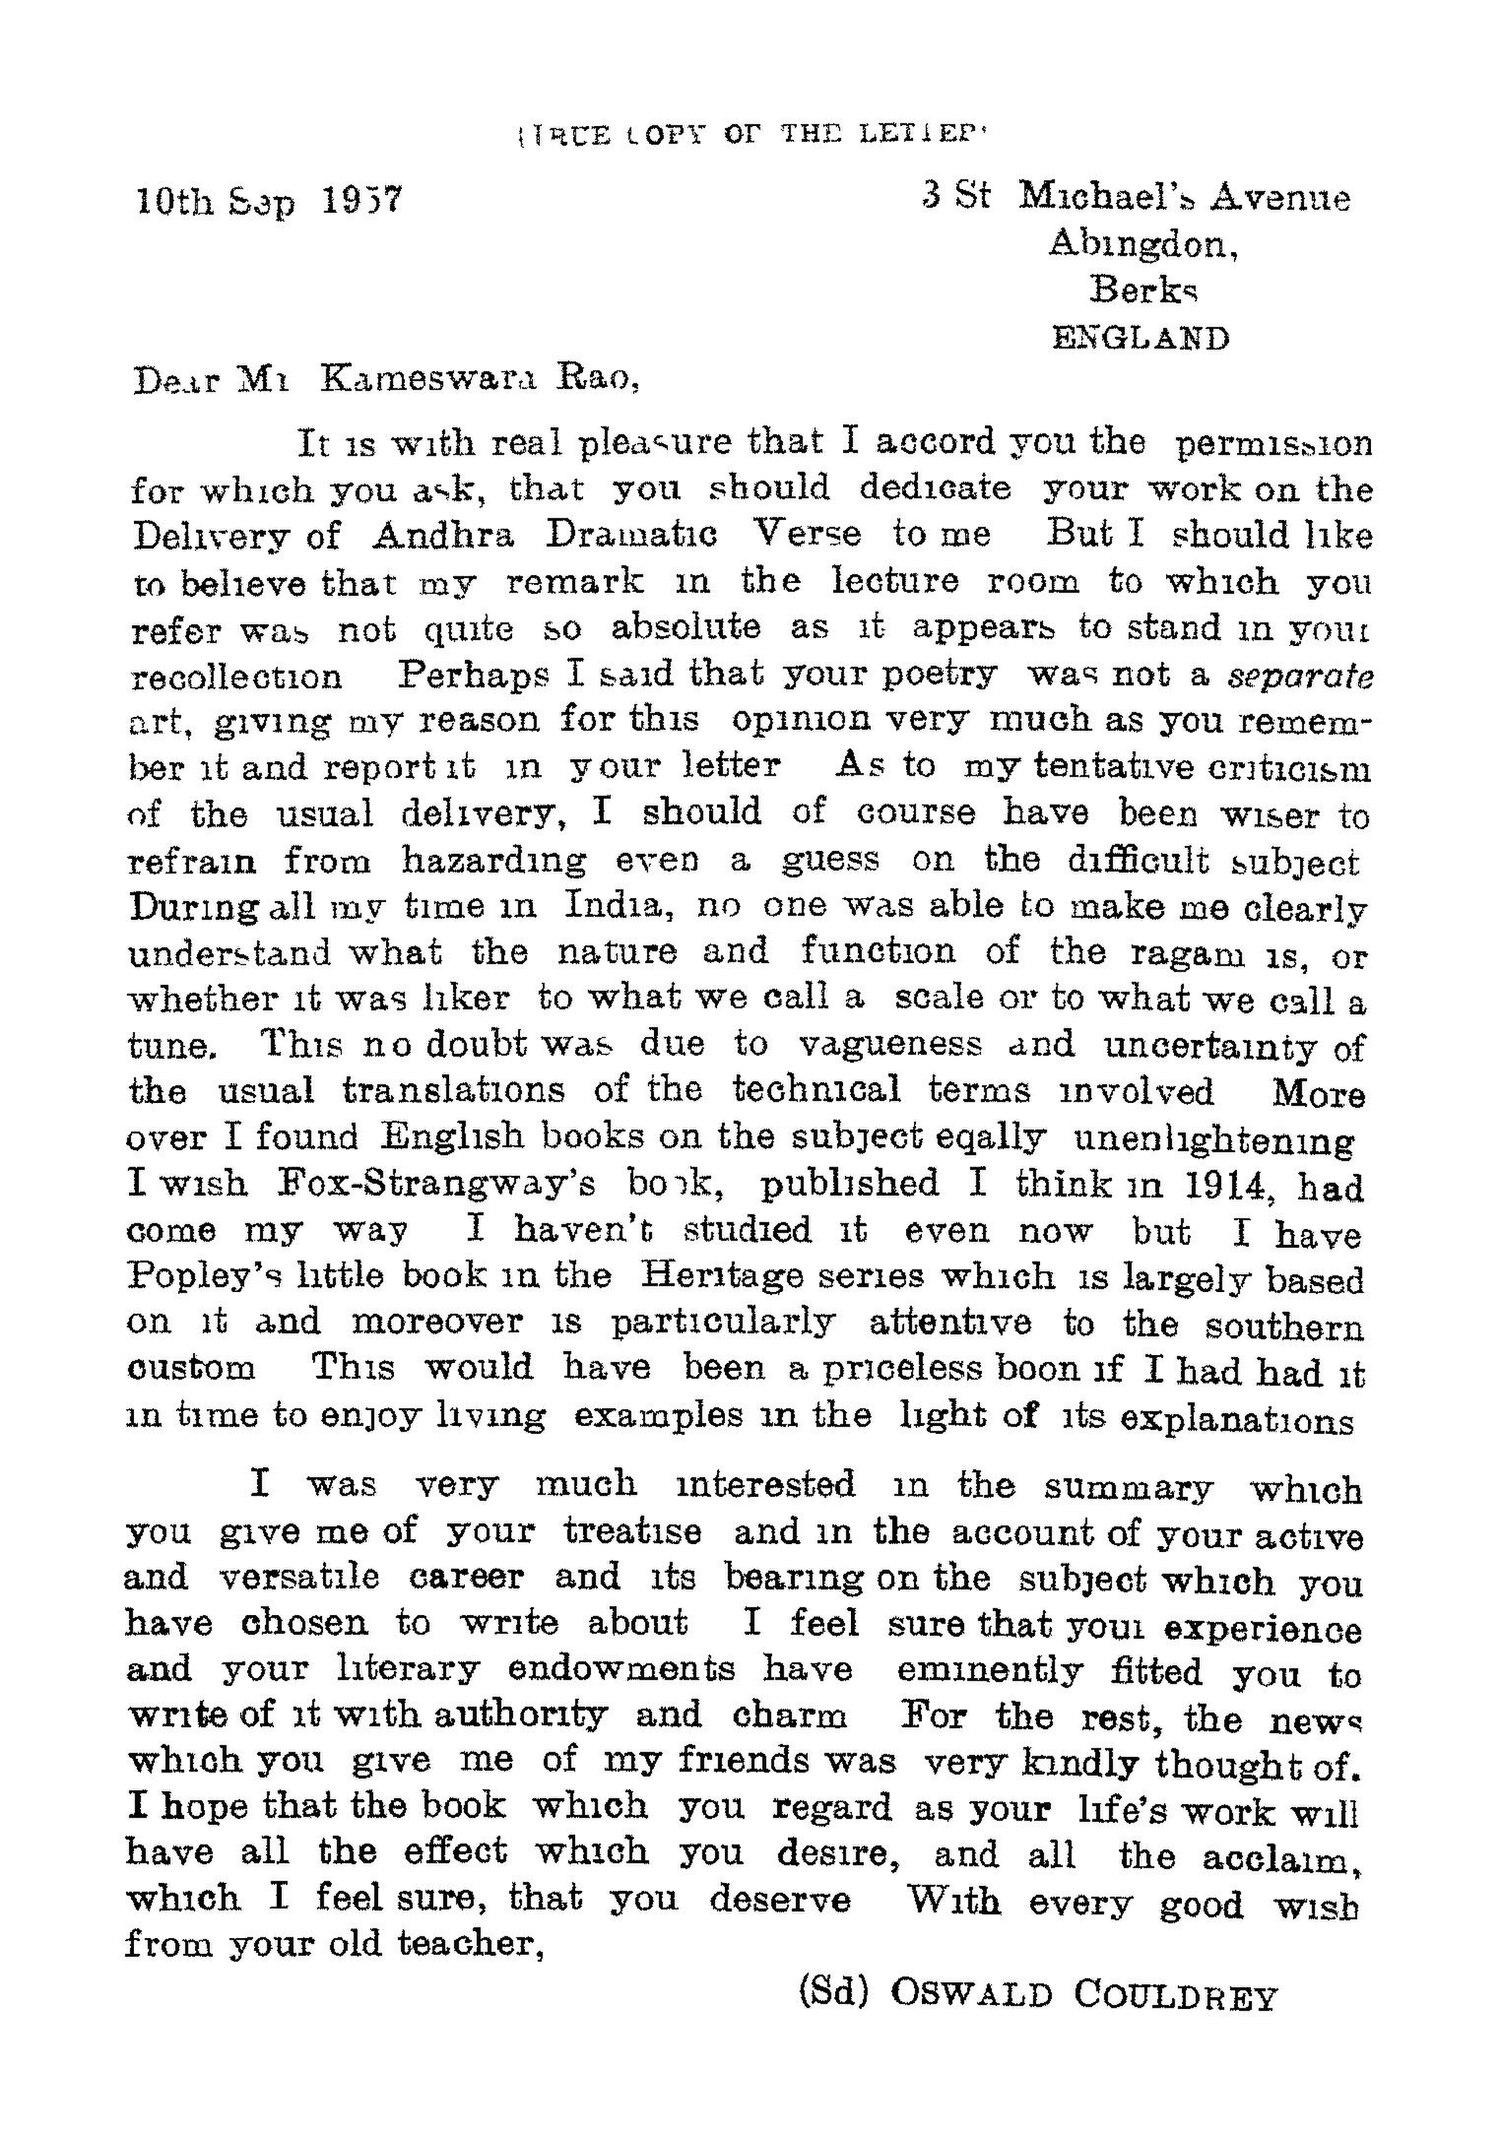It is with real pleasure that I accord you the permission.
for which you ask, that you should dedicate your work on the
Delivery of Andhra Dramatic Verse to me But I should like
to believe that my remark in the lecture room to which you
refer was not quite so absolute as it appears to stand in your
recollection Perhaps I said that your poetry was not a separate
art, giving my reason for this opinion very much as you remem-
ber it and report it in your letter As to my tentative criticism
of the usual delivery, I should of course have been wiser to
refrain from hazarding even a guess on the difficult subject
During all my time in India, no one was able to make me clearly
understand what the nature and function of the ragam is, or
whether it was liker to what we call a scale or to what we call a
tune. This no doubt was due to vagueness and uncertainty of
the usual translations of the technical terms involved More
over I found English books on the subject eqally unenlightening
I wish Fox-Strangway's book, published I think in 1914, had
come my way I haven't studied it even now but I have
Popley's little book in the Heritage series which is largely based
on it and moreover is particularly attentive to the southern
custom This would have been a priceless boon if I had had it
in time to enjoy living examples in the light of its explanations

I was very much interested in the summary which
you give me of your treatise and in the account of your active
and versatile career and its bearing on the subject which you
have chosen to write about I feel sure that your experience
and your literary endowments have eminently fitted you to
write of it with authority and charm For the rest, the news
which you give me of my friends was very kindly thought of.
I hope that the book which you regard as your life's work will
have all the effect which you desire, and all the acclaim,
which I feel sure, that you deserve With every good wish
from your old teacher,